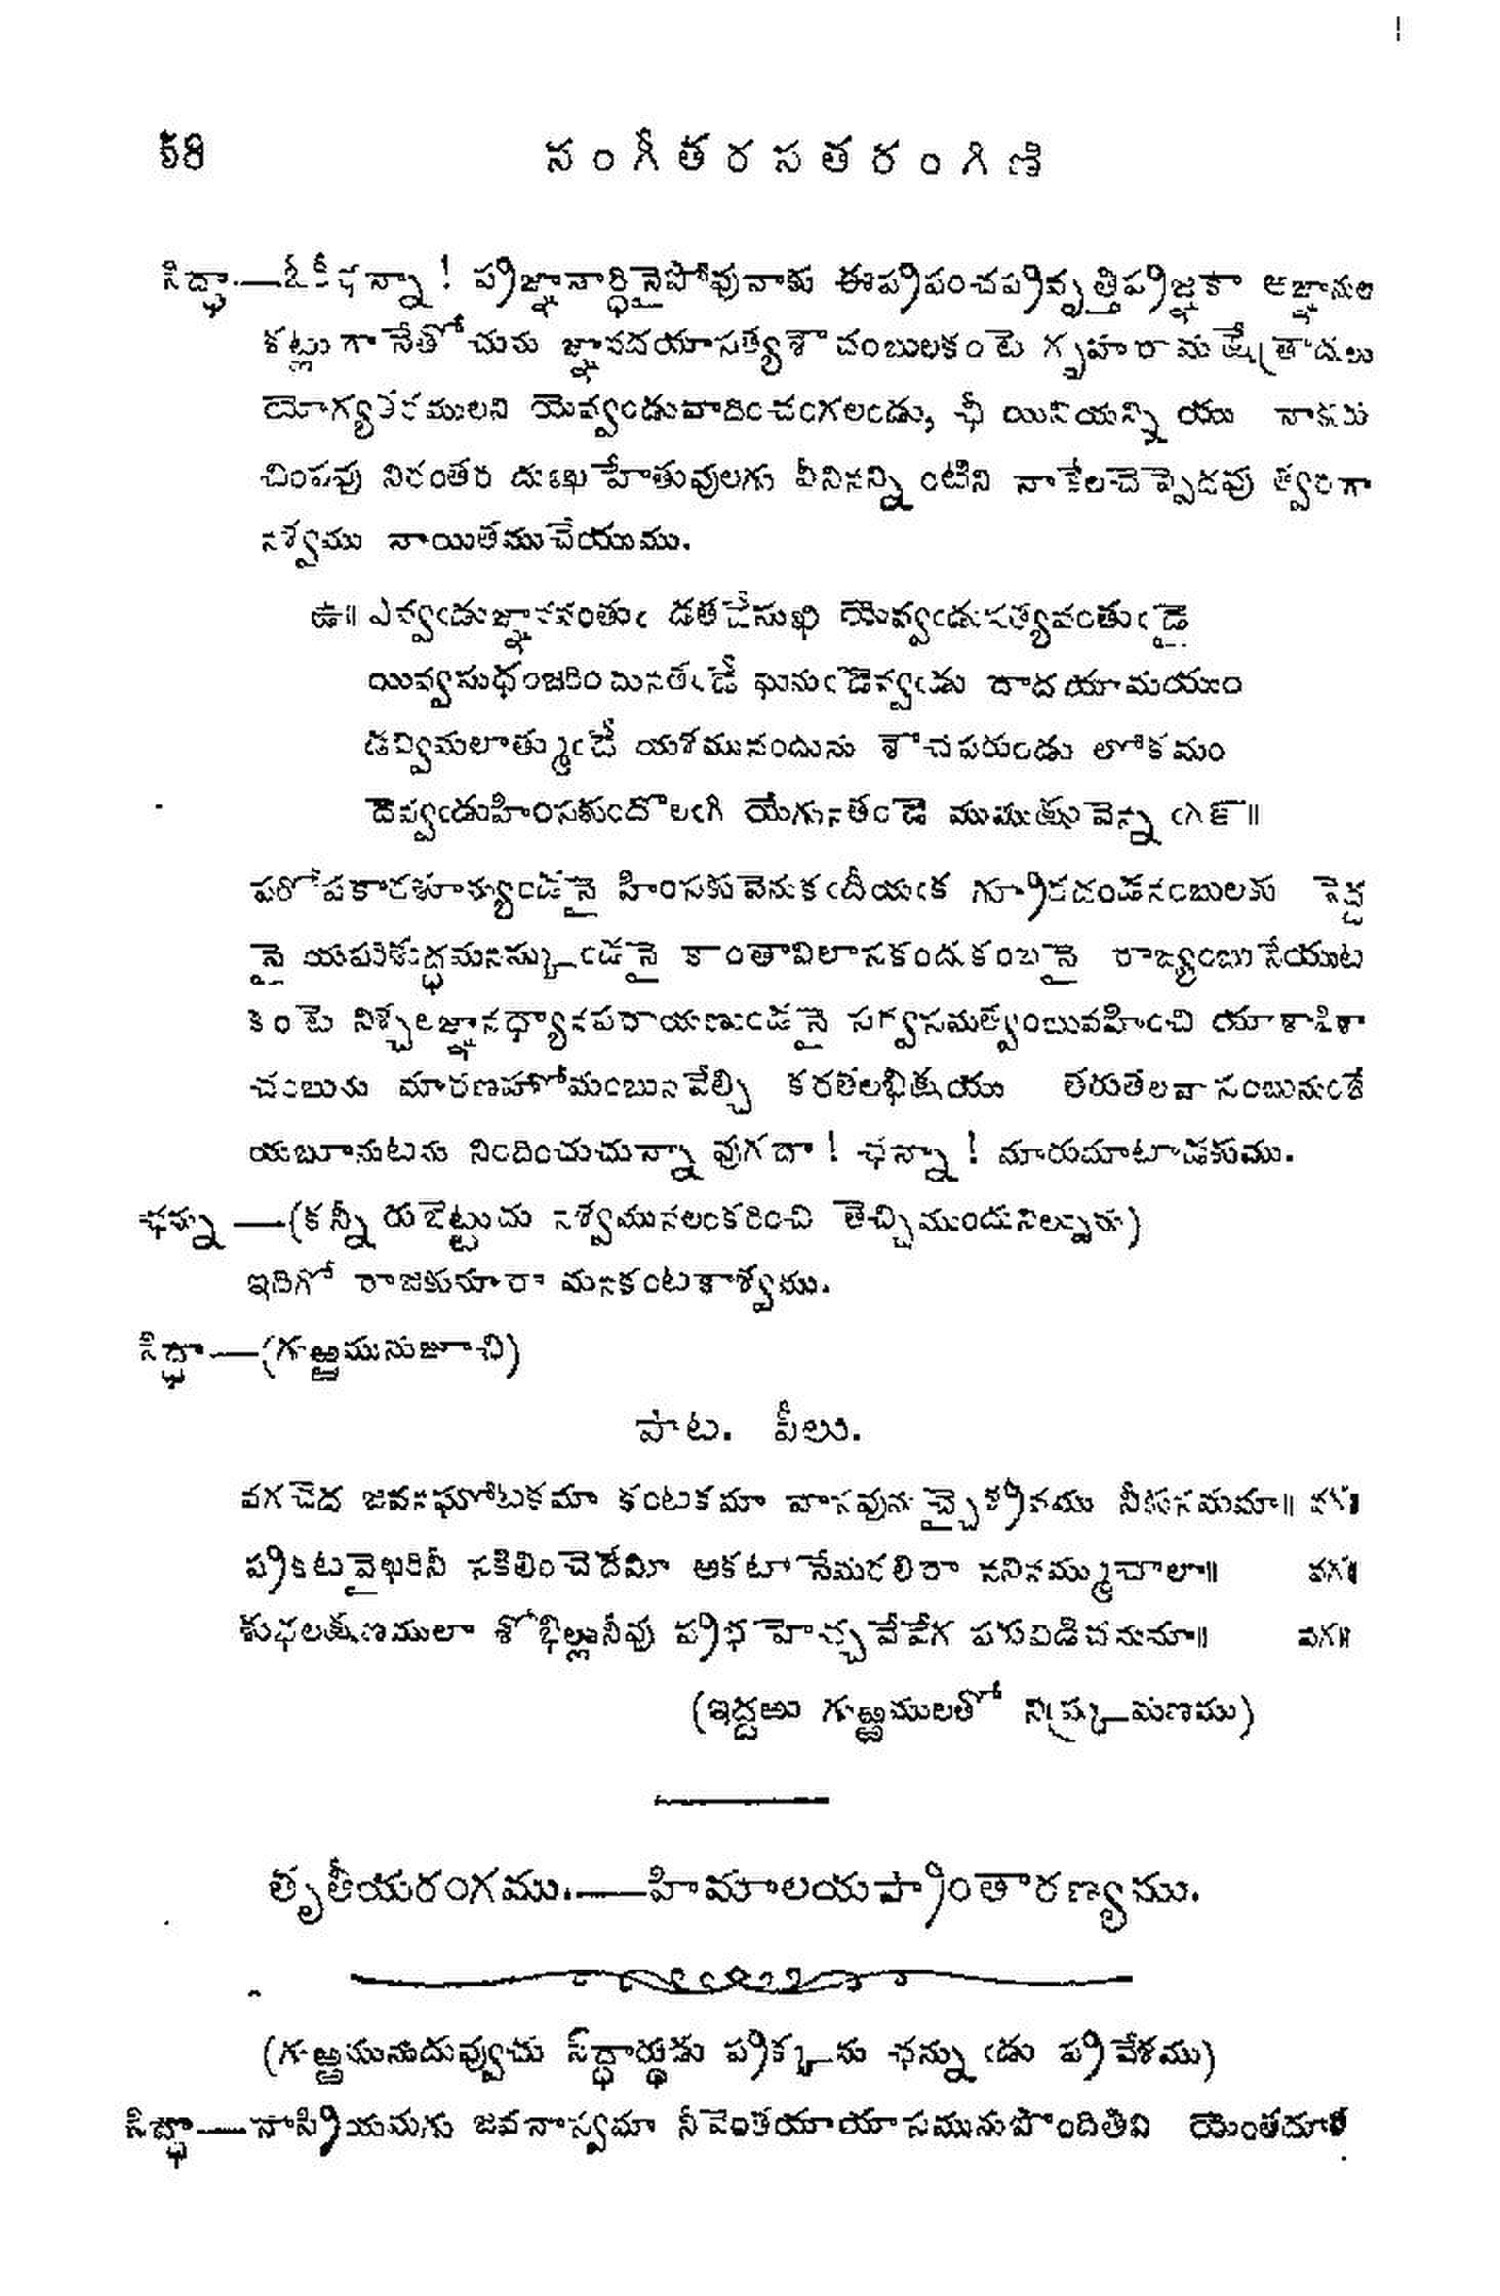సిద్ధా - ఓరీ ఛన్నా! ప్రజ్ఞానార్ధినైపోవునాకు ఈ ప్రపంచప్రవృత్తిప్రజ్ఞకా అజ్ఞానులకట్లుగానేతోచును జ్ఞావదయాసత్యశౌచంబులకంటే 
గృహరామక్షేత్రాదులు యోగ్యతరములని యెవ్యండువాదించంగలండు, ఛీ యినియన్నియు నాకురుచింపవు నిరంతర దుఃఖహేతువులగు వీనినన్నింటిని నాకేలచెప్పెదపు త్యరగా నశ్వము నాయితముచేయుము.

ఊ॥ ఎవ్యండుజ్ఞానవంతుఁడతజేసుఖియెవ్వఁడు సత్యవంతుఁడై
యివ్వసుధంజరించునతఁడే ఘనుఁడెవ్వఁడు దాదయామయుం 
ఈవ్విమలాత్ముఁడే యశమునందును శౌచపరుండు లోకమం 
దెవ్వఁడుహింసకుందొలఁగి యేగున తండె ముముక్షువెన్నంగి౯॥  

పరోపకారశూన్యండనై హింసకువెనుకఁదీయఁక గ్రూరదండనంబులకు పెద్ద
నై యపరిశుద్ధమనస్కుఁడనై కాంతావిలాసకందుకంబనై రాజ్యంబుసేయుట
కంటె నిశ్చలజ్ఞానధ్యానపరాయణుఁడనై సర్వసమత్వంబువహించి యాశాపిరా
చుంబును మారణహోమంబుపేల్చి కారతలభిక్షయు తరుతలవాసంబునుఁకే
యబూనుటను నిందించుచున్నావుగదా! ఛన్నా! మారుమాటాడకుము 

ఛన్ను — (కన్నీరుబెట్టుచు విశ్వమునలంకరించి తెచ్చిముందునిల్పును) ఇదిగో రాజకుమారా మనకంటకాశ్వము.

సిద్ధా — (గఱ్ఱమునుజూచి)

వగచెద జవనఘాటకమా కంటకమా వాసవునుచ్చైశ్రవము నీకుసుమా ॥వగ॥ 
ప్రకటవైఖరినీ సకిలించెదేమీ అకటానేమరలిరా ననినమ్ముచాలా ॥వగ॥ 
శుభలక్షణములా శోభిల్లునీవు ప్రభహెచ్చవేవేగ పరువిడిచనుమా ॥వగ॥  

 

సిద్ధా - నాప్రియమగు జవనాస్వమా నీవెంతయు యాసమునుపొందితివి. యెంతదూర